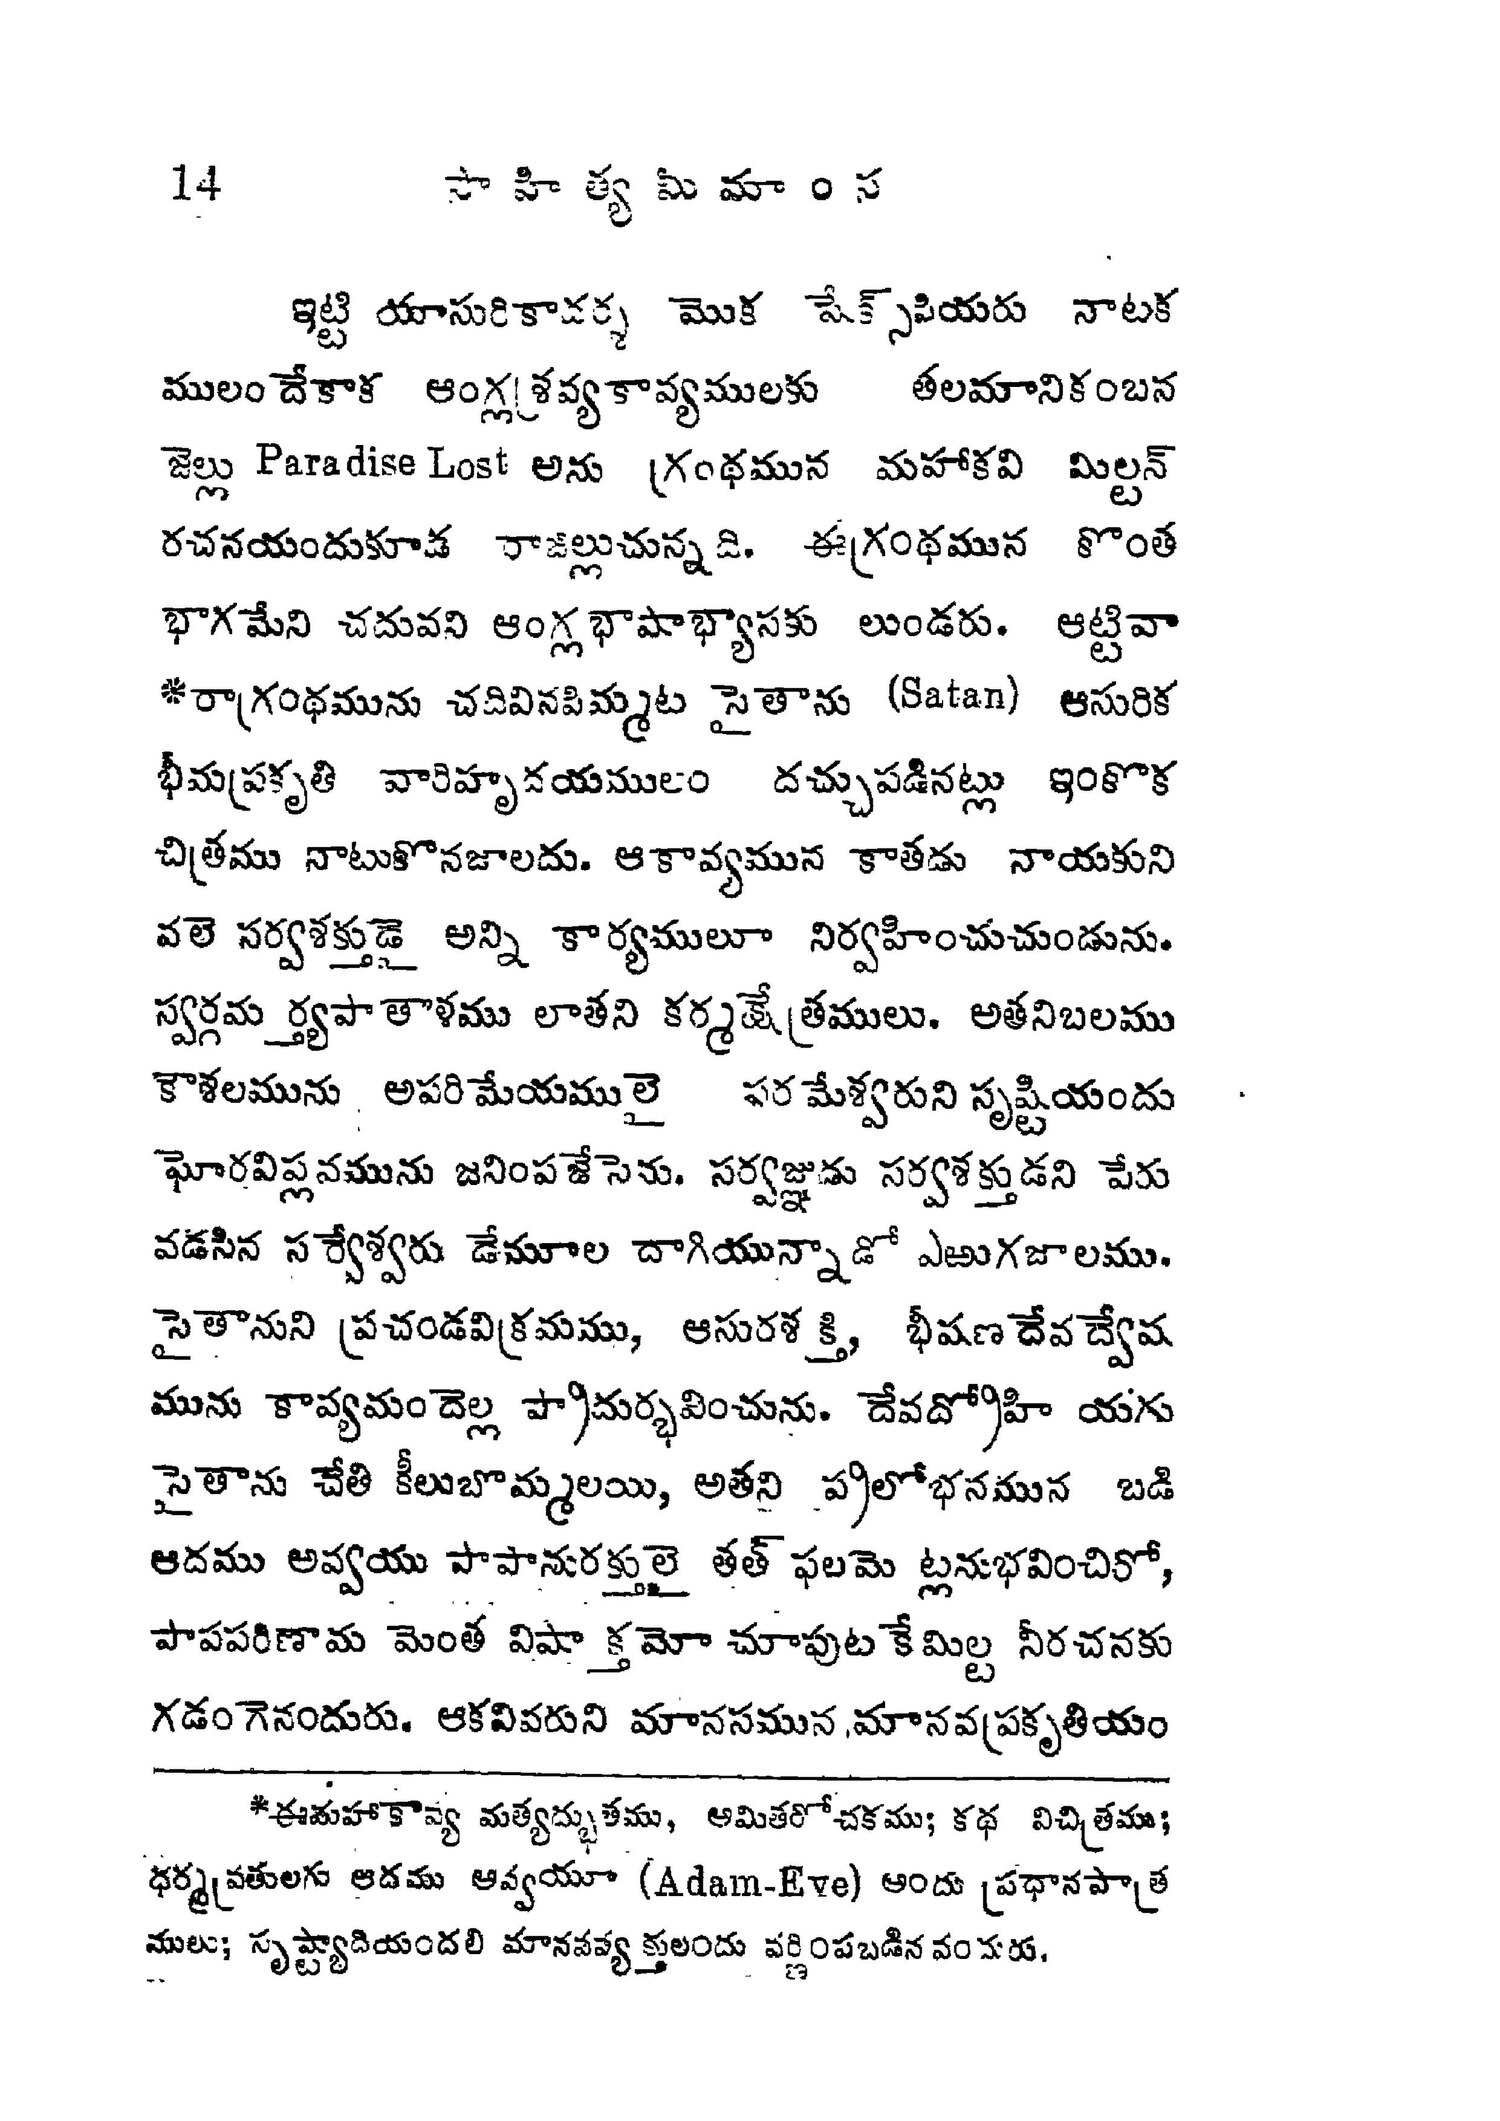ఇట్టి యాసురికాదర్శ మొక షేక్స్‌పియరు నాటకములందేకాక ఆంగ్లశ్రవ్యకావ్యములకు తలమానికంబన జెల్లు Paradise Lost అను గ్రంథమున మహాకవి మిల్టన్ రచనయందుకూడ రాజిల్లుచున్నది. ఈగ్రంథమున కొంత భాగమేని చదువని ఆంగ్లభాషాభ్యాసకు లుండరు. అట్టివా * రాగ్రంథమును చదివినపిమ్మట సైతాను (satan) ఆసురిక భీమప్రకృతి వారిహృదయములం దచ్చుపడినట్లు ఇంకొక చిత్రము నాటుకొనజాలదు. ఆకావ్యమున కాతడు నాయకునివలె సర్వశక్తుడై అన్ని కార్యములూ నిర్వహించుచుండును. స్వర్గమర్త్యపాతాళము లాతని కర్మక్షేత్రములు. అతనిబలము కౌశలమును అపరిమేయములై పరమేశ్వరుని సృష్టియందు ఘోరవిప్లవమును జనింపజేసెను. సర్వజ్ఞుడు సర్వశక్తుడని పేరు వడసిన సర్వేశ్వరు డేమూల దాగియున్నాడో ఎఱుగజాలము. సైతానుని ప్రచండవిక్రమము, ఆసురశక్తి, భీషణదేవద్వేషమును కావ్యమందెల్ల ప్రాదుర్భవించును. దేవద్రోహి యగు సైతాను చేతి కీలుబొమ్మలయి, అతని ప్రలోభనమున బడి ఆదము అవ్వయు పాపానురక్తులై తత్ ఫలమె ట్లనుభవించిరో, పాపపరిణామ మెంత విషాక్తమో చూపుట కేమిల్ట నీరచనకు గడంగెనందురు. ఆకవివరుని మానసమున మానవప్రకృతియం